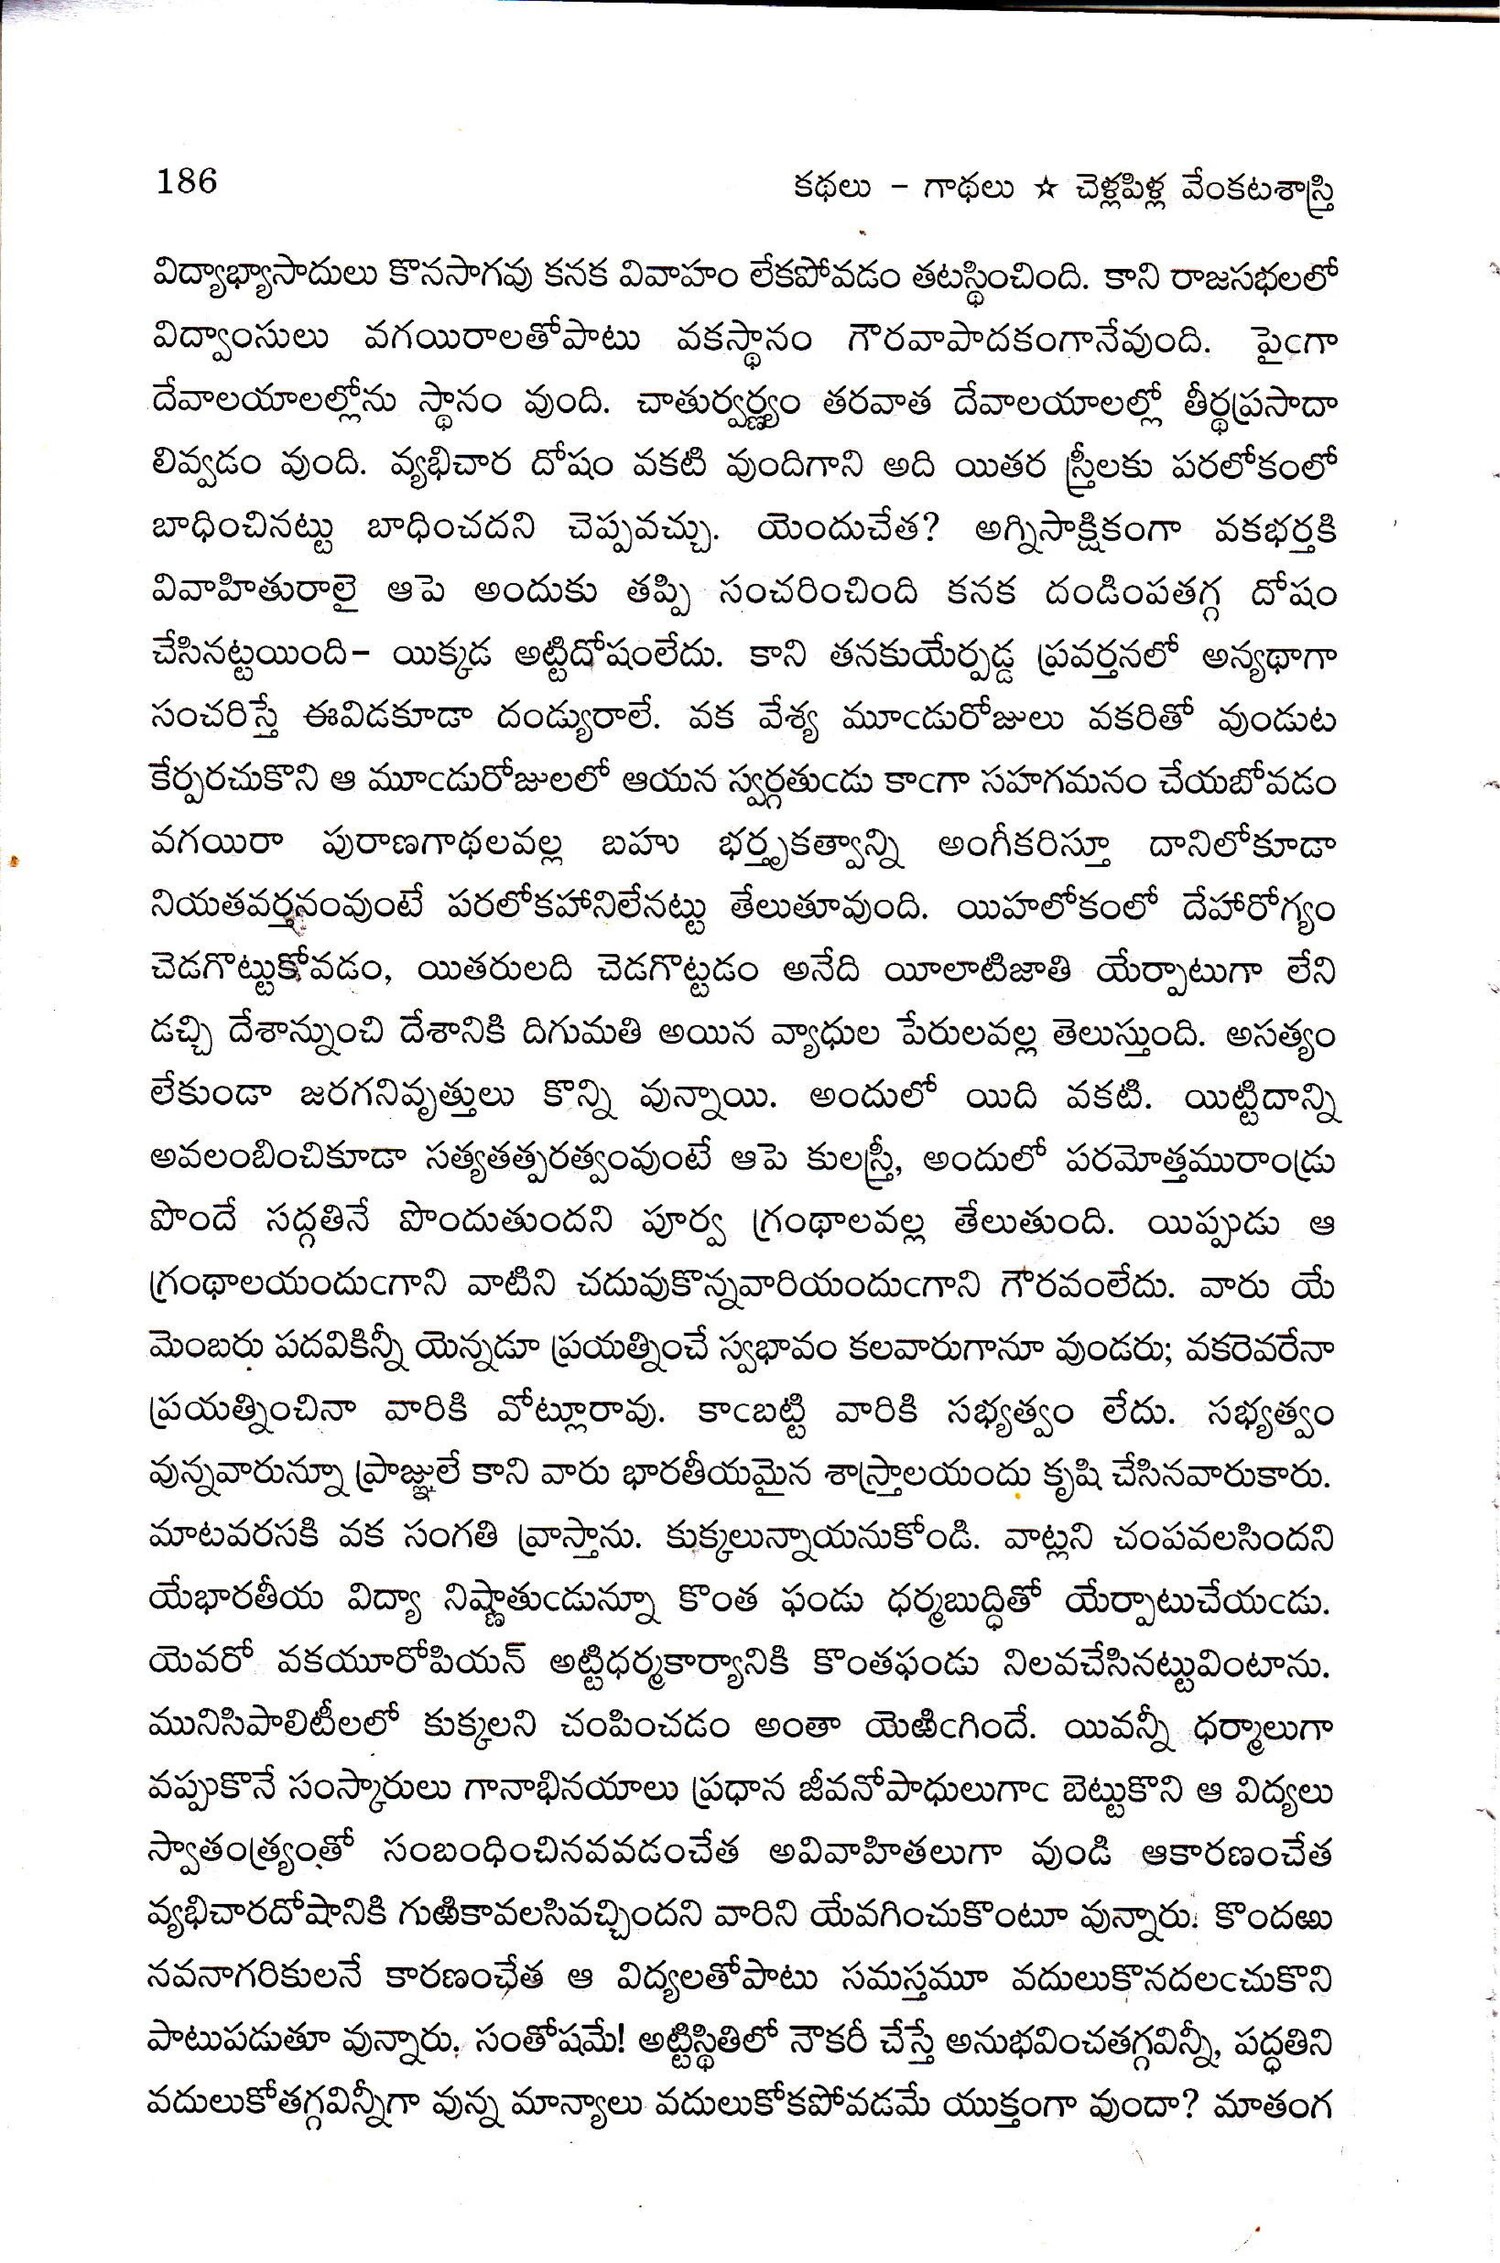విద్యాభ్యాసాదులు కొనసాగవు కనక వివాహం లేకపోవడం తటస్థించింది. కాని రాజసభలలో విద్వాంసులు వగయిరాలతోపాటు వకస్థానం గౌరవాపాదకంగానేవుంది. పైఁగా దేవాలయాలల్లోను స్థానం వుంది. చాతుర్వర్ణ్యం తరవాత దేవాలయాలల్లో తీర్థప్రసాదా లివ్వడం వుంది. వ్యభిచార దోషం వకటి వుందిగాని అది యితర స్త్రీలకు పరలోకంలో బాధించినట్టు బాధించదని చెప్పవచ్చు. యెందుచేత? అగ్నిసాక్షికంగా వకభర్తకి వివాహితురాలై ఆపె అందుకు తప్పి సంచరించింది కనక దండింపతగ్గ దోషం చేసినట్టయింది- యిక్కడ అట్టిదోషంలేదు. కాని తనకుయేర్పడ్డ ప్రవర్తనలో అన్యథాగా సంచరిస్తే ఈవిడకూడా దండ్యురాలే. వక వేశ్య మూఁడురోజులు వకరితో వుండుట కేర్పరచుకొని ఆ మూఁడురోజులలో ఆయన స్వర్గతుఁడు కాఁగా సహగమనం చేయబోవడం వగయిరా పురాణగాథలవల్ల బహు భర్తృకత్వాన్ని అంగీకరిస్తూ దానిలోకూడా నియతవర్తనంవుంటే పరలోకహానిలేనట్టు తేలుతూవుంది. యిహలోకంలో దేహారోగ్యం చెడగొట్టుకోవడం, యితరులది చెడగొట్టడం అనేది యీలాటిజాతి యేర్పాటుగా లేని డచ్చి దేశాన్నుంచి దేశానికి దిగుమతి అయిన వ్యాధుల పేరులవల్ల తెలుస్తుంది. అసత్యం లేకుండా జరగనివృత్తులు కొన్ని వున్నాయి. అందులో యిది వకటి. యిట్టిదాన్ని అవలంబించికూడా సత్యతత్పరత్వంవుంటే ఆపె కులస్త్రీ, అందులో పరమోత్తమురాండ్రు పొందే సద్గతినే పొందుతుందని పూర్వ గ్రంథాలవల్ల తేలుతుంది. యిప్పుడు ఆ గ్రంథాలయందుఁగాని వాటిని చదువుకొన్నవారియందుఁగాని గౌరవంలేదు. వారు యే మెంబరు పదవికిన్నీ యెన్నడూ ప్రయత్నించే స్వభావం కలవారుగానూ వుండరు; వకరెవరేనా ప్రయత్నించినా వారికి వోట్లూరావు. కాఁబట్టి వారికి సభ్యత్వం లేదు. సభ్యత్వం వున్నవారున్నూ ప్రాజ్ఞులే కాని వారు భారతీయమైన శాస్తాలయందు కృషి చేసినవారుకారు. మాటవరసకి వక సంగతి వ్రాస్తాను. కుక్కలున్నాయనుకోండి. వాట్లని చంపవలసిందని యేభారతీయ విద్యా నిష్ణాతుఁడున్నూ కొంత ఫండు ధర్మబుద్ధితో యేర్పాటుచేయఁడు. యెవరో వకయూరోపియన్ అట్టిధర్మకార్యానికి కొంతఫండు నిలవచేసినట్టువింటాను. మునిసిపాలిటీలలో కుక్కలని చంపించడం అంతా యెఱిఁగిందే. యివన్నీ ధర్మాలుగా వప్పుకొనే సంస్కారులు గానాభినయాలు ప్రధాన జీవనోపాధులుగాఁ బెట్టుకొని ఆ విద్యలు స్వాతంత్ర్యంతో సంబంధించినవవడంచేత అవివాహితలుగా వుండి ఆకారణంచేత వ్యభిచారదోషానికి గుఱికావలసివచ్చిందని వారిని యేవగించుకొంటూ వున్నారు. కొందఱు నవనాగరికులనే కారణంచేత ఆ విద్యలతోపాటు సమస్తమూ వదులుకొనదలఁచుకొని పాటుపడుతూ వున్నారు. సంతోషమే! అట్టిస్థితిలో నౌకరీ చేస్తే అనుభవించతగ్గవిన్నీ పద్ధతిని వదులుకోతగ్గవిన్నీగా వున్న మాన్యాలు వదులుకోకపోవడమే యుక్తంగా వుందా? మాతంగ